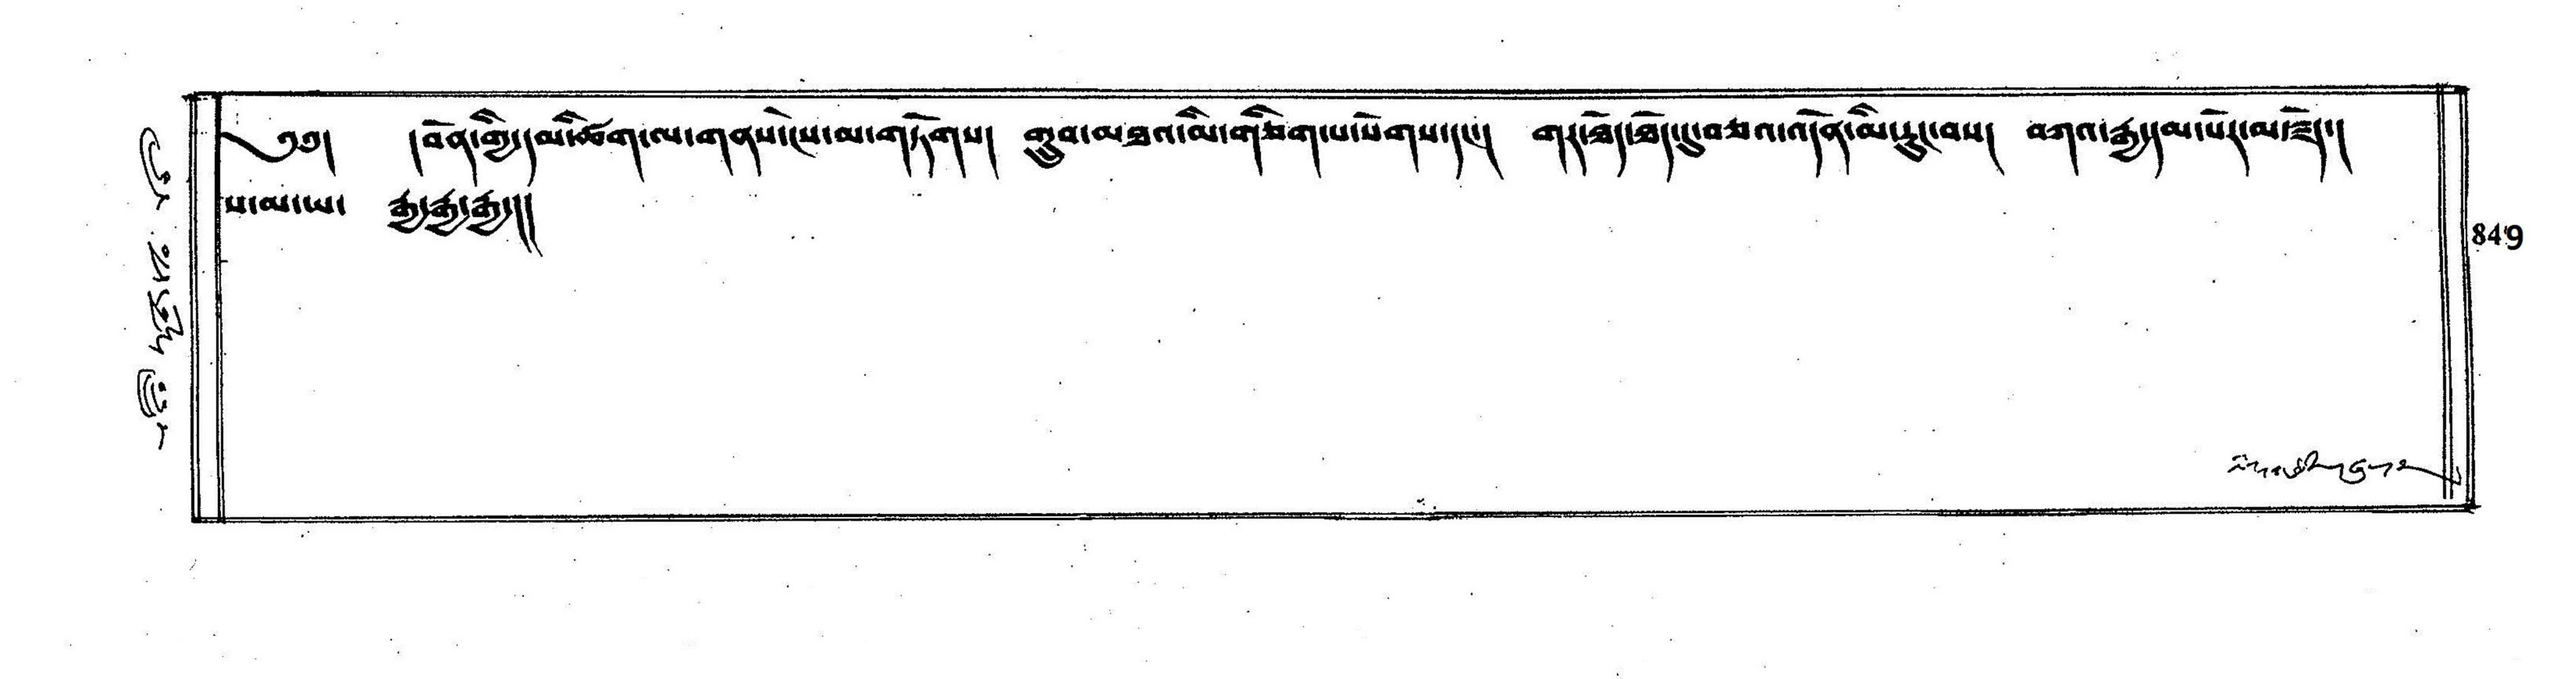བོན་གྱི་དམ་ཚིག་ལ་གནས་ངེས་མ་གཏོགས། གྲུབ་མཐའ་མི་གཅིག་པ་སོགས་དང་། གར་ཐོད་ཐོད་དུ་བཅའ་འདོན་མི་རུང་བས། བཀའ་རྒྱ་དམ་པོར་མཛོད། 
ས་མ་ཡ་རྒྱ་རྒྱ་རྒྱ།།